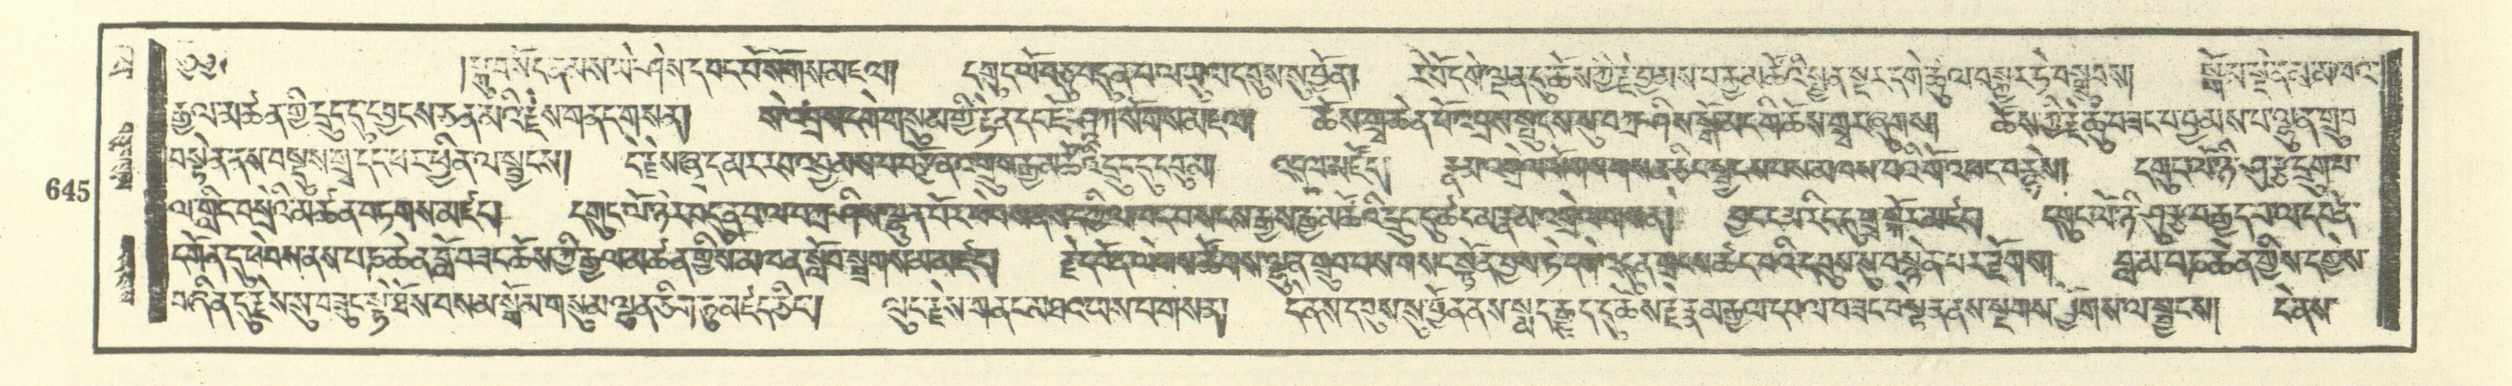༄༅། །སྐུ་བསོད་ནམས་ཡེ་ཤེས་དབང་པོ་སོགས་མཇལ། དགུང་ལོ་བཅུ་བདུན་པ་ལ་ཡུལ་དབུས་སུ་བྱོན། རི་བོ་དགེ་ལྡན་དུ་ཆོས་ཀྱི་རྗེ་བྱམས་པ་རྒྱ་མཚོའི་སྤྱན་སྔར་དགེ་ཚུལ་བསྐྱར་ཏེ་བསྒྲུབས། སྒོམ་སྡེ་ནམ་མཁའ་
རྒྱལ་མཚན་གྱི་དྲུང་དུ་དབྱངས་ཅན་མའི་རྗེས་གནང་གསན། སེ་འབྲས་དགེ་གསུམ་གྱི་རྟེན་དང་ཇོ་ཤཱཀ་སོགས་མཇལ། ཆོས་གྲྭ་ཆེན་པོ་འབྲས་སྤུངས་སུ་བཀྲ་ཤིས་སྒོ་མང་གི་ཆོས་གྲྭར་ཞུགས། ཆོས་ཀྱི་རྗེ་ཆུ་བཟང་པ་བྱམས་པ་ལྷུན་གྲུབ་
བསྟེན་ནས་བསྡུས་གྲྭ་དང་ཕར་ཕྱིན་ལ་སྦྱངས། དེ་རྗེས་ཞ་དམར་རབ་འབྱམས་པ་བརྩོན་འགྲུས་རྒྱ་མཚོའི་དྲུང་དུ་དབུ་མ། འདུལ་མཛོད། རྣམ་འགྲེལ་སོགས་གསན་ཅིང་སྦྱངས་བས་མཁས་པའི་གོ་འཕང་བརྙེས། དགུང་ལོ་ཉི་ཤུ་རྩ་དྲུག་པ་
ལ་གླིང་བསྲེའི་མཚན་བཏགས་མཛད། དགུང་ལོ་ཉེར་བདུན་པ་ལ་བཀྲ་ཤིས་ལྷུན་པོར་ཕེབས་ནས་དཀྱིལ་ཁང་པ་སངས་རྒྱས་རྒྱ་མཚོའི་དྲུང་དུ་ཚང་མ་རྣམ་འགྲེལ་གསན། བྱང་ངམ་རིང་དུ་གྲྭ་སྐོར་མཛད། དགུང་ལོ་ཉི་ཤུ་རྩ་བརྒྱད་པ་ལ་དབེན་
དགོན་དུ་ཕེབས་ནས་པཎ་ཆེན་བློ་བཟང་ཆོས་ཀྱི་རྒྱལ་མཚན་གྱིས་མཁན་སློབ་སྦྲགས་མ་མཛད། རྗེ་དབོན་ལེགས་ཚོགས་ལྷུན་གྲུབ་པས་གསང་སྟོན་བྱས་ཏེ་དགེ་འདུན་གྲངས་ཚང་བའི་དབུས་སུ་བསྙེན་པར་རྫོགས། བླ་མ་པཎ་ཆེན་གྱིས་དགྱེས་
བཞིན་དུ་རྗེས་སུ་བཟུང་སྟེ་ཐོས་བསམ་སྒོམ་གསུམ་ལྷན་ཅིག་ཏུ་མཛད་ཅིང་། ལུང་རྗེས་གནང་མཐའ་ཡས་པ་གསན། དེ་ནས་དབུས་སུ་བྱོན་ནས་སྨད་རྒྱུད་དུ་ཆོས་རྗེ་རྣམ་རྒྱལ་དཔལ་བཟང་བསྟེན་ནས་སྔགས་ཕྱོགས་ལ་སྦྱངས། དེ་ནས་